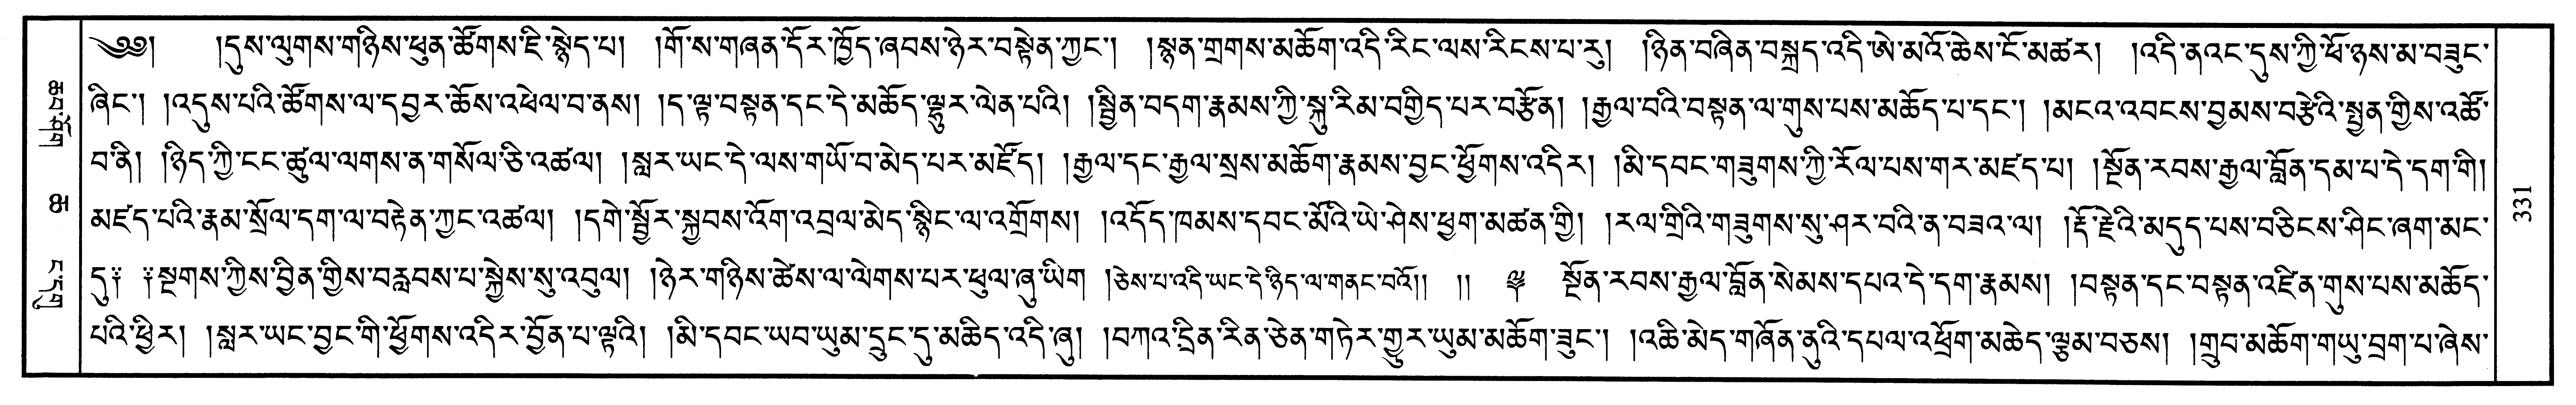༄༅། །དུས་ལུགས་གཉིས་ཕུན་ཚོགས་ཇི་སྙེད་པ། །གོ་ས་གཞན་དོར་ཁྱོད་ཞབས་ཉེར་བསྟེན་ཀྱང་། །སྙན་གྲགས་མཆོག་འདི་རིང་ལས་རིངས་པ་རུ། །ཉིན་བཞིན་བསྐྲད་འདི་ཨེ་མའོ་ཆེས་ངོ་མཚར། །འདི་ནའང་དུས་ཀྱི་ཕོ་ཉས་མ་བཟུང་
ཞིང་། །འདུས་པའི་ཚོགས་ལ་དབྱར་ཆོས་འཕེལ་བ་ནས། །ད་ལྟ་བསྟན་དང་དེ་མཆོད་ལྷུར་ལེན་པའི། །སྦྱིན་བདག་རྣམས་ཀྱི་སྐུ་རིམ་བགྱིད་པར་བརྩོན། །རྒྱལ་བའི་བསྟན་ལ་གུས་པས་མཆོད་པ་དང་། །མངའ་འབངས་བྱམས་བརྩེའི་སྤྱན་གྱིས་འཚོ་
བ་ནི། །ཉིད་ཀྱི་ངང་ཚུལ་ལགས་ན་གསོལ་ཅི་འཚལ། །སླར་ཡང་དེ་ལས་གཡོ་བ་མེད་པར་མཛོད། །རྒྱལ་དང་རྒྱལ་སྲས་མཆོག་རྣམས་བྱང་ཕྱོགས་འདིར། །མི་དབང་གཟུགས་ཀྱི་རོལ་པས་གར་མཛད་པ། །སྔོན་རབས་རྒྱལ་བློན་དམ་པ་དེ་དག་གི།
མཛད་པའི་རྣམ་སྲོལ་དག་ལ་བརྟེན་ཀྱང་འཚལ། །དགེ་སྦྱོར་སྐྱབས་འོག་འབྲལ་མེད་སྙིང་ལ་འགྲོགས། །འདོད་ཁམས་དབང་མོའི་ཡེ་ཤེས་ཕྱག་མཚན་གྱི། །རལ་གྲིའི་གཟུགས་སུ་ཤར་བའི་ན་བཟའ་ལ། །རྡོ་རྗེའི་མདུད་པས་བཅིངས་ཤིང་ཞག་མང་
དུ། །སྔགས་ཀྱིས་བྱིན་གྱིས་བརླབས་པ་སྐྱེས་སུ་འབུལ། །ཉེར་གཉིས་ཚེས་ལ་ལེགས་པར་ཕུལ་ཞུ་ཡིག །ཅེས་པ་འདི་ཡང་དེ་ཉིད་ལ་གནང་བའོ།། །། ༈ སྔོན་རབས་རྒྱལ་བློན་སེམས་དཔའ་དེ་དག་རྣམས། །བསྟན་དང་བསྟན་འཛིན་གུས་པས་མཆོད་
པའི་ཕྱིར། །སླར་ཡང་བྱང་གི་ཕྱོགས་འདིར་བྱོན་པ་ལྟའི། །མི་དབང་ཡབ་ཡུམ་དྲུང་དུ་མཆིད་འདི་ཞུ། །བཀའ་དྲིན་རིན་ཅེན་གཏེར་གྱུར་ཡུམ་མཆོག་ཟུང་། །འཆི་མེད་གཞོན་ནུའི་དཔལ་འཕྲོག་མཆེད་ལྕམ་བཅས། །གྲུབ་མཆོག་གཡུ་བྲག་པ་ཞེས་